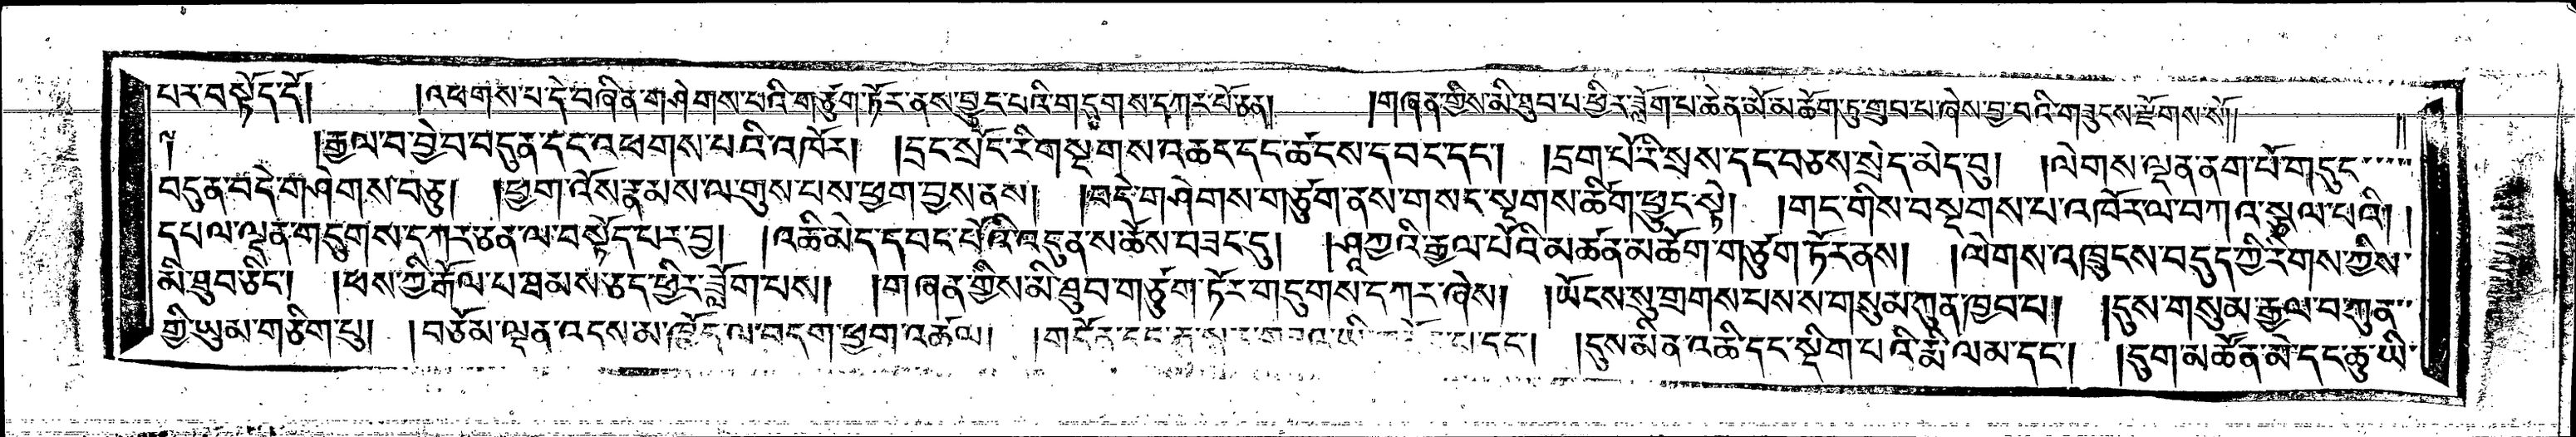པར་བསྟོད་དོ། །འཕགས་པ་དེ་བཞིན་གཤེགས་པའི་གཙུག་ཏོར་ནས་བྱུང་བའི་གདུགས་དཀར་པོ་ཅན། །གཞན་གྱིས་མི་ཐུབ་པ་ཕྱིར་ཟློག་པ་ཆེན་མོ་མཆོག་ཏུ་གྲུབ་པ་ཞེས་བྱ་བའི་གཟུངས་རྫོགས་སོ།། །།
༈ །རྒྱལ་བ་བྱེ་བ་བདུན་དང་འཕགས་པའི་འཁོར། །དྲང་སྲོང་རིག་སྔགས་འཆང་དང་ཚངས་དབང་དང་། །དྲག་པོ་རི་སྲས་དང་བཅས་སྲེད་མེད་བུ། །ལེགས་ལྡན་ནག་པོ་གདུང་
བདུན་བདེ་གཤེགས་བཅུ། །ཕྱག་འོས་རྣམས་ལ་གུས་པས་ཕྱག་བྱས་ནས། །བདེ་གཤེགས་གཙུག་ནས་གསང་སྔགས་ཚིག་ཕྱུང་སྟེ། །གང་གིས་བསྔགས་པ་འཁོར་ལ་བཀའ་སྩལ་པའི། །
དཔལ་ལྡན་གདུགས་དཀར་ཅན་ལ་བསྟོད་པར་བྱ། །འཆི་མེད་དབང་པོའི་འདུན་ས་ཆོས་བཟང་དུ། །ཤཱཀྱའི་རྒྱལ་པོའི་མཚན་མཆོག་གཙུག་ཏོར་ནས། །ལེགས་འཁྲུངས་བདུད་ཀྱི་རིགས་ཀྱིས་
མི་ཐུབ་ཅིང་། །ཕས་ཀྱི་རྒོལ་པ་ཐམས་ཅད་ཕྱིར་ཟློག་པས། །གཞན་གྱིས་མི་ཐུབ་གཙུག་ཏོར་གདུགས་དཀར་ཞེས། །ཡོངས་སུ་གྲགས་པས་ས་གསུམ་ཀུན་ཁྱབ་པ། །དུས་གསུམ་རྒྱལ་བ་ཀུན་
གྱི་ཡུམ་གཅིག་པུ། །བཅོམ་ལྡན་འདས་མ་ཁྱོད་ལ་བདག་ཕྱག་འཚལ། །གདོན་དང་རྒྱུ་སྐར་གཟའ་ཡི་གནོད་པ་དང་། །དུས་མིན་འཆི་དང་སྡིག་པའི་རྨི་ལམ་དང་། །དུག་མཚོན་མེ་དང་ཆུ་ཡི་